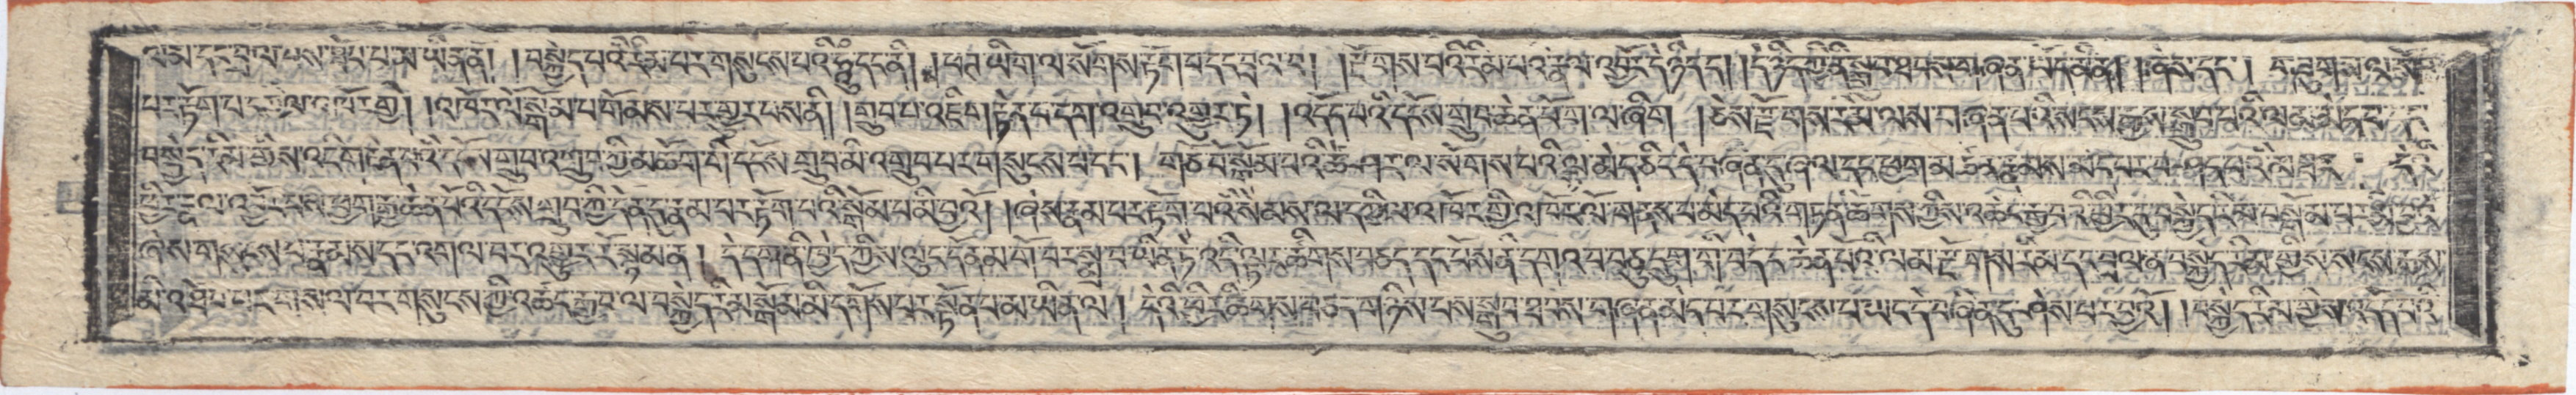ལམ་དང་བྲལ་བས་ཐོབ་པ་མ་ཡིན་ནོ། །བསྐྱེད་པའི་རིམ་པར་གསུངས་པའི་ཧཱུཾ་དང་ནི། །ཕཊ་ཡིག་ལ་སོགས་རྟོག་པ་དང་བྲལ་བ། །རྫོགས་པའི་རིམ་པའི་རྣལ་འབྱོར་དེ་ཉིད་ད། །དེ་ཉིད་ཀྱི་ནི་སྒྲུབ་ཐབས་གཞན་ཡོད་མིན། །ཞེས་དང་། གཟུགས་ལ་སོགས་
པར་རྟོག་པ་དཀྱིལ་འཁོར་གྱི། །འཁོར་ལོ་སྒོམ་པ་གོམས་པར་གྱུར་བས་ནི། །གྲུབ་པ་འཇིག་རྟེན་པ་དག་འགྲུབ་འགྱུར་ཏེ། །འདོད་པའི་དངོས་གྲུབ་ཆེན་པོ་ག་ལ་ཞིག །ཅེས་རྫོགས་རིམ་ལས་གཞན་པའི་སངས་རྒྱས་སྒྲུབ་པའི་ལམ་མེད་པ་དང་
བསྐྱེད་རིམ་གྱིས་འཇིག་རྟེན་པའི་དངོས་གྲུབ་འགྲུབ་ཀྱི་མཆོག་གི་དངོས་གྲུབ་མི་འགྲུབ་པར་གསུངས་པ་དང་། གཙོ་བོ་སྒོམ་པའི་ཚེ་ཤར་ལ་སོགས་པའི་ལྷ་མེད་ཅིང་དེ་བཞིན་དུ་ཞལ་དང་ཕྱག་མཚན་རྣམས་མེད་པར་བཤད་པའི་མཐར། དེའི་
ཕྱིར་རྣལ་འབྱོར་པས་ཕྱག་རྒྱ་ཆེན་པོའི་དངོས་གྲུབ་ཀྱི་དོན་དུ་རྣམ་པར་རྟོག་པའི་སྒོམ་པ་མི་བྱའོ། །ཞེས་རྣམ་པར་རྟོག་པའི་སེམས་ལ་དཀྱིལ་འཁོར་གྱི་འཁོར་ལོ་གནས་པ་མེད་པའི་གཏན་ཚིགས་ཀྱིས་འཚང་རྒྱ་བའི་ཕྱིར་དུ་བསྐྱེད་རིམ་བསྒོམ་པར་མི་བྱའི་
ཞེས་གསུངས་པ་རྣམས་དང་འགལ་བར་འགྱུར་རོ་སྙམ་ན། དེ་དག་ནི་ཁྱེད་ཀྱིས་ལུང་དོན་མ་གོ་བར་སྨྲ་བ་ཡིན་ཏེ་འདི་ལྟར་ཚིགས་བཅད་དང་པོས་ནི་དགའ་བ་བཅུ་དྲུག་གི་བདེ་བ་ཆེན་པོའི་ལམ་རྫོགས་རིམ་དང་བྲལ་ན་བསྐྱེད་རིམ་གྱིས་སངས་རྒྱས་
མི་འཐོབ་པར་གསལ་བར་གསུངས་ཀྱི་འཚང་རྒྱ་བ་ལ་བསྐྱེད་རིམ་སྒོམ་མི་དགོས་པར་སྟོན་པ་མ་ཡིན་ལ། དེའི་ཕྱིར་ཚིགས་བཅད་གཉིས་པས་སྒྲུབ་ཐབས་གཞན་མེད་པར་གསུངས་པ་ཡང་དེ་བཞིན་དུ་ཤེས་པར་བྱའོ། །བསྐྱེད་རིམ་གྱིས་འདོད་པའི་